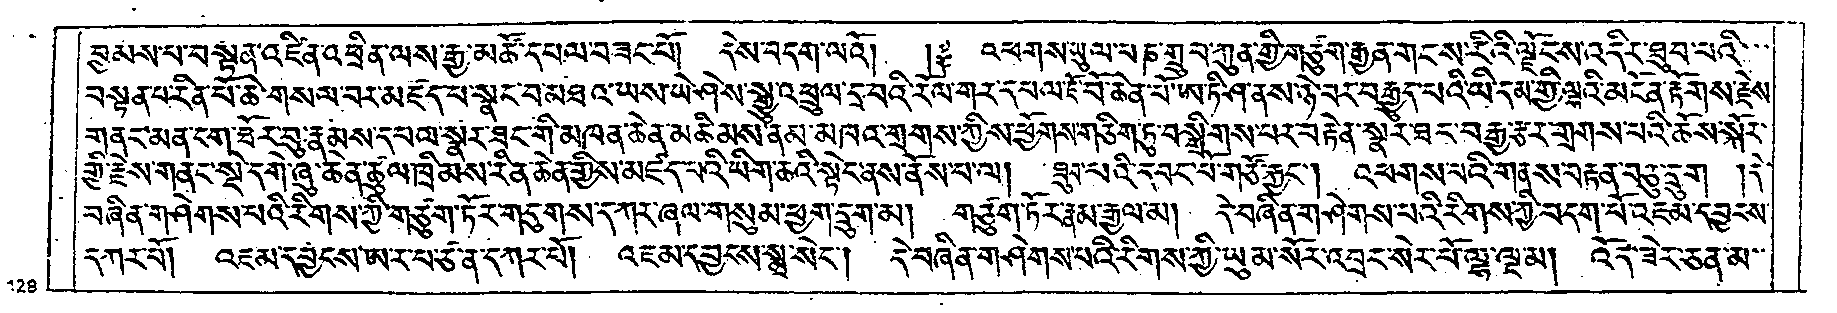བྱམས་པ་བསྟན་འཛིན་འཕྲིན་ལས་རྒྱ་མཚོ་དཔལ་བཟང་པོ། དེས་བདག་ལའོ། །༈ འཕགས་ཡུལ་པཎ་གྲུབ་ཀུན་གྱི་གཙུག་རྒྱན་གངས་རིའི་ལྗོངས་འདིར་ཐུབ་པའི་
བསྟན་པ་རིན་པོ་ཆེ་གསལ་བར་མཛད་པ་སྣང་བ་མཐའ་ཡས་ཡེ་ཤེས་སྒྱུ་འཕྲུལ་དྲ་བའི་རོལ་གར་དཔལ་ཇོ་བོ་ཆེན་པོ་ཨ་ཏི་ཤ་ནས་ཉེ་བར་བརྒྱུད་པའི་ཡི་དམ་གྱི་ལྷའི་མངོན་རྟོགས་རྗེས་
གནང་མན་ངག་ཐོར་བུ་རྣམས་དཔལ་སྣར་ཐང་གི་མཁན་ཆེན་མཆིམས་ནམ་མཁའ་གྲགས་ཀྱིས་ཕྱོགས་གཅིག་ཏུ་བསྒྲིགས་པར་བརྟེན་སྣར་ཐང་བརྒྱ་རྩར་གྲགས་པའི་ཆོས་སྐོར་
གྱི་རྗེས་གནང་སྡེ་དགེ་ཞུ་ཆེན་ཚུལ་ཁྲིམས་རིན་ཆེན་གྱིས་མཛད་པའི་ཡིག་ཆའི་སྟེང་ནས་ནོས་པ་ལ། ཐུབ་པའི་དབང་པོ་གཙོ་རྐྱང་། འཕགས་པའི་གནས་བརྟན་བཅུ་དྲུག །དེ་
བཞིན་གཤེགས་པའི་རིགས་ཀྱི་གཙུག་ཏོར་གདུགས་དཀར་ཞལ་གསུམ་ཕྱག་དྲུག་མ། གཙུག་ཏོར་རྣམ་རྒྱལ་མ། དེ་བཞིན་གཤེགས་པའི་རིགས་ཀྱི་བདག་པོ་འཇམ་དབྱངས་
དཀར་པོ། འཇམ་དབྱངས་ཨ་ར་པ་ཙ་ན་དཀར་པོ། འཇམ་དབྱངས་སྨྲ་སེང་། དེ་བཞིན་གཤེགས་པའི་རིགས་ཀྱི་ཡུམ་སོར་འབྲང་སེར་པོ་ལྷ་ལྔ་མ། འོད་ཟེར་ཅན་མ་